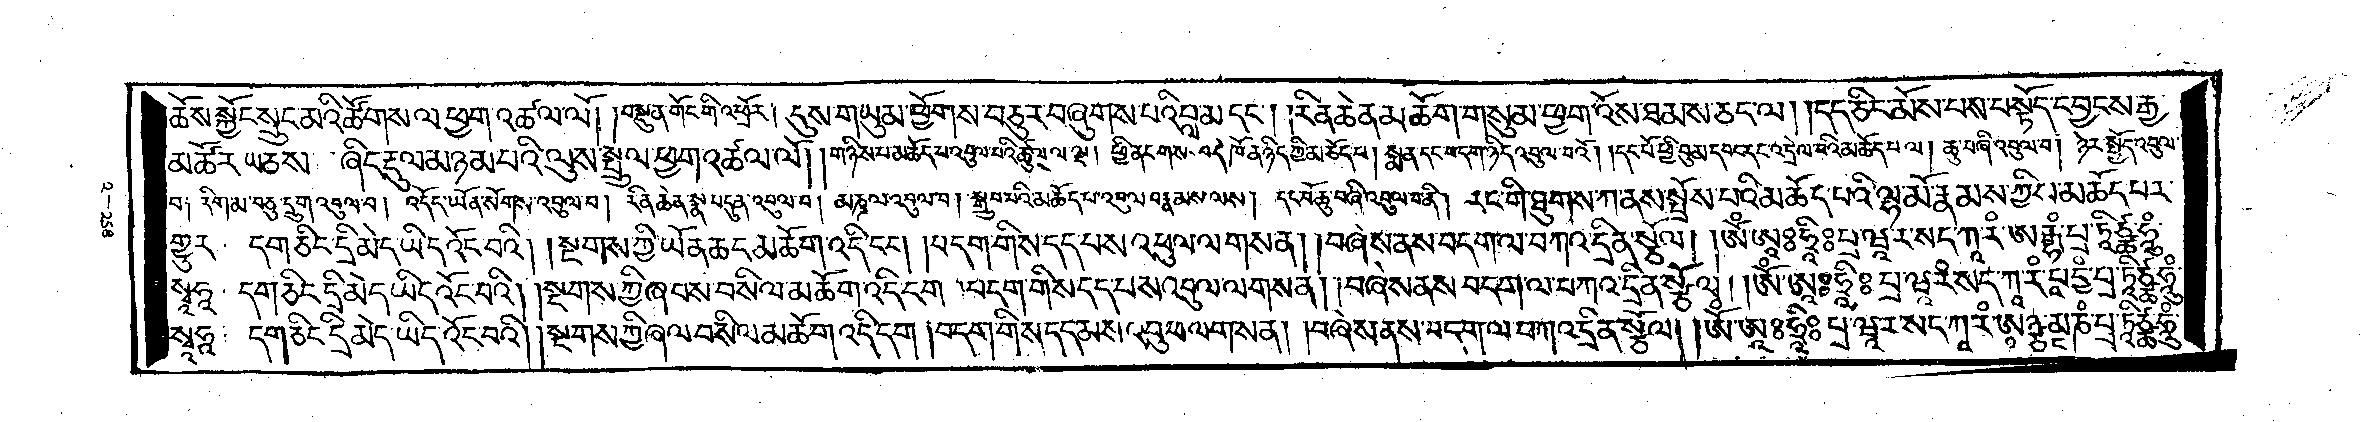ཆོས་སྐྱོང་སྲུང་མའི་ཚོགས་ལ་ཕྱག་འཚལ་ལོ། །བསྡུན་གོང་གི་འཕྲོར། །དུས་གཡུམ་ཕྱོགས་བཅུར་བཞུགས་པའི་བླ་མ་དང་། །རིན་ཆེན་མཆོག་གསུམ་ཕྱག་འོས་ཐམས་ཅད་ལ། །དད་ཅིང་མོས་པས་བསྟོད་དབྱངས་རྒྱ་
མཚོར་བཅས་ཞིང་རྡུལ་མཉམ་པའི་ལུས་སྤྲུལ་ཕྱག་འཚལ་ལོ། །གཉིས་པ་མཆོད་པ་འབུལ་བའི་ཚུལ་ལ་ལྔ། ཕྱི་ནང་གསང་བདེ་ཁོ་ན་ཉིད་ཀྱི་མཆོད་པ། སྨན་དང་བདག་ཉིད་འབུལ་བའོ། །དང་པོ་ཕྱི་བུམ་དབང་དང་འདྲེལ་བའི་མཆོད་པ་ལ། ཆུ་བཞི་འབུལ་བ། ཉེར་སྤྱོད་འབུལ་
བ༑ རིག་མ་བཅུ་དྲུག་འབུལ་བ། འདོད་ཡོན་སོགས་འབུལ་བ། རིན་ཆེན་སྣ་བདུན་འབུལ་བ། མཎྜལ་འབུལ་བ། སྒྲུབ་པའི་མཆོད་པ་འབུལ་བ་རྣམས་ལས། དང་བོ་ཆུ་བཞི་འབུལ་བ་ནི། རང་གི་ཐུགས་ཀ་ནས་སྤྲོས་པའི་མཆོད་པའི་ལྷ་མོ་རྣམས་ཀྱིས་མཆོད་པར་
གྱུར་དག་ཅིང་དྲི་མེད་ཡིད་འོང་བའི། །སྔགས་ཀྱི་ཡོན་ཆད་མཆོག་འདི་དང་། །བདག་གིས་དད་པས་འཕུལ་ལ་གསན། །བཞེས་ནས་བདག་ལ་བཀའ་དྲིན་སྩོལ། །ཨོཾ་ཨཱཿ ཧྲཱིཿ པྲ་ཝཱ་ར་སད་ཀཱ་རཾ་ཨ་རྒྷཾ་པྲ་ཏཱི་ཙྪ་ཧཱུཾ་
སྭཱཧཱ་དག་ཅིང་དྲི་མེད་ཡིད་འོང་བའི། །སྔགས་ཀྱི་ཞབས་བསིལ་མཆོག་འདི་དག་བདག་གིས་དད་པས་འབུལ་ལགས་ན། །བཞེས་ནས་བདག་ལ་བཀའ་དྲིན་སྩོལ། །ཨོཾ་ཨཱཿ ཧྲཱིཿ པྲ་ཝཱ་རཾ་སད་ཀཱ་རཾ་པཱ་དྱཾ་པྲ་ཏཱིཙྪ་ཧཱུཾ་
སྭཱཧཱ་དག་ཅིང་དྲི་མེད་ཡིད་འོང་བའི། །སྔགས་ཀྱི་ཞལ་བསིལ་མཆོག་འདི་དག། །བདག་གིས་དད་མས་འབུལ་ལགས་ན། །བཞེས་ནས་བདག་ལ་བཀའ་དྲིན་སྩོལ། །ཨོཾ་ཨཱཿ ཧྲཱིཿ པྲ་ཝཱ་ར་སད་ཀཱ་རཾ་ཨཱ་ཉྩ་མང་ཎཾ་པྲ་ཏཱི་ཙྪ་ཧཱུཾ་